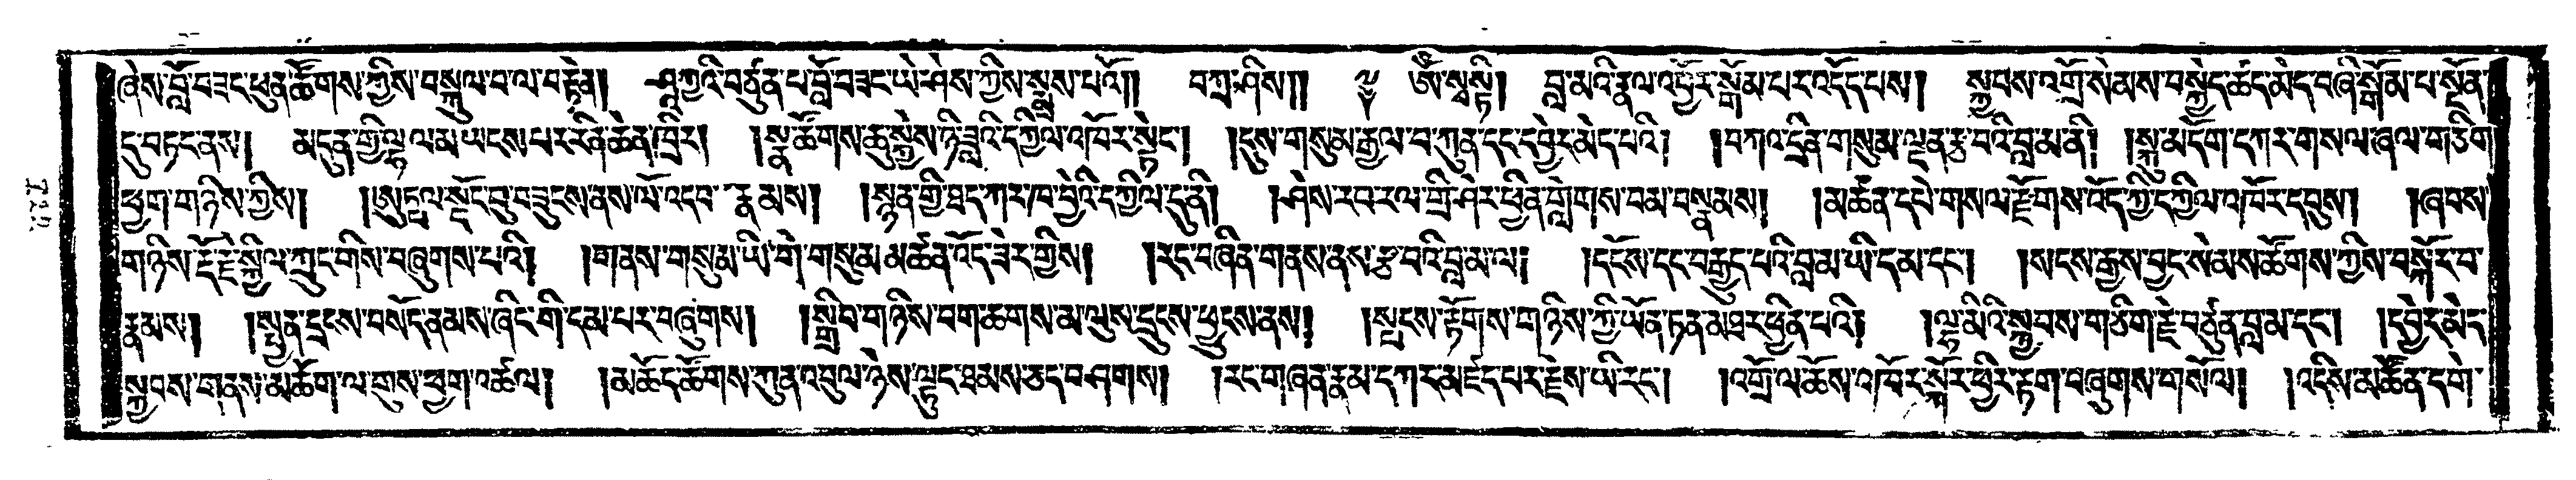ཞེས་བློ་བཟང་ཕུན་ཚོགས་ཀྱིས་བསྐུལ་བ་ལ་བརྟེན། ཤཱཀྱའི་བཙུན་པ་བློ་བཟང་ཡེ་ཤེས་ཀྱིས་སྨྲས་པའོ།། བཀྲ་ཤིས།། ༈ ཨོཾ་སྭ་སྟི། བླ་མའི་རྣལ་འབྱོར་སྒོམ་པར་འདོད་པས། སྐྱབས་འགྲོ་སེམས་བསྐྱེད་ཚད་མེད་བཞི་སྒོམ་པ་སྔོན་
དུ་བཏང་ནས། མདུན་གྱི་ལྷ་ལམ་ཡངས་པར་རིན་ཆེན་ཁྲིར། །སྣ་ཚོགས་ཆུ་སྐྱེས་ཉི་ཟླའི་དཀྱིལ་འཁོར་སྟེང་། །དུས་གསུམ་རྒྱལ་བ་ཀུན་དང་དབྱེར་མེད་པའི། །བཀའ་དྲིན་གསུམ་ལྡན་རྩ་བའི་བླ་མ་ནི། །སྐུ་མདོག་དཀར་གསལ་ཞལ་གཅིག་
ཕྱག་གཉིས་ཀྱིས། །ཨུཏྤལ་སྡོང་བུ་བཟུངས་ནས་ལོ་འདབ་རྣམས། །སྙན་གྱི་ཐད་ཀར་ཁ་བྱེའི་དཀྱིལ་དུ་ནི། །ཤེས་རབ་རལ་གྲི་ཤེར་ཕྱིན་གླེགས་བམ་བསྣམས། །མཚན་དཔེ་གསལ་རྫོགས་འོད་ཀྱི་དཀྱིལ་འཁོར་དབུས། །ཞབས་
གཉིས་རྡོ་རྗེ་སྐྱིལ་ཀྲུང་གིས་བཞུགས་པའི། །གནས་གསུམ་ཡི་གེ་གསུམ་མཚན་འོད་ཟེར་གྱིས། །རང་བཞིན་གནས་ནས་རྩ་བའི་བླ་མ་ལ། །དངོས་དང་བརྒྱུད་པའི་བླ་མ་ཡི་དམ་དང་། །སངས་རྒྱས་བྱང་སེམས་ཚོགས་ཀྱིས་བསྐོར་བ་
རྣམས། །སྤྱན་དྲངས་བསོད་ནམས་ཞིང་གི་དམ་པར་བཞུགས། །སྒྲིབ་གཉིས་བག་ཆགས་མ་ལུས་དྲུངས་ཕྱུངས་ནས། །སྤངས་རྟོགས་གཉིས་ཀྱི་ཡོན་ཏན་མཐར་ཕྱིན་པའི། །ལྷ་མིའི་སྐྱབས་གཅིག་རྗེ་བཙུན་བླ་མ་དང་། །དབྱེར་མེད་
སྐྱབས་གནས་མཆོག་ལ་གུས་ཕྱག་འཚལ། །མཆོད་ཚོགས་ཀུན་འབུལ་ཉེས་ལྟུང་ཐམས་ཅད་བཤགས། །རང་གཞན་རྣམ་དཀར་མཛད་པར་རྗེས་ཡི་རང་། །འགྲོ་ལ་ཆོས་འཁོར་སྐོར་ཕྱིར་རྟག་བཞུགས་གསོལ། །འདིས་མཚོན་དགེ་